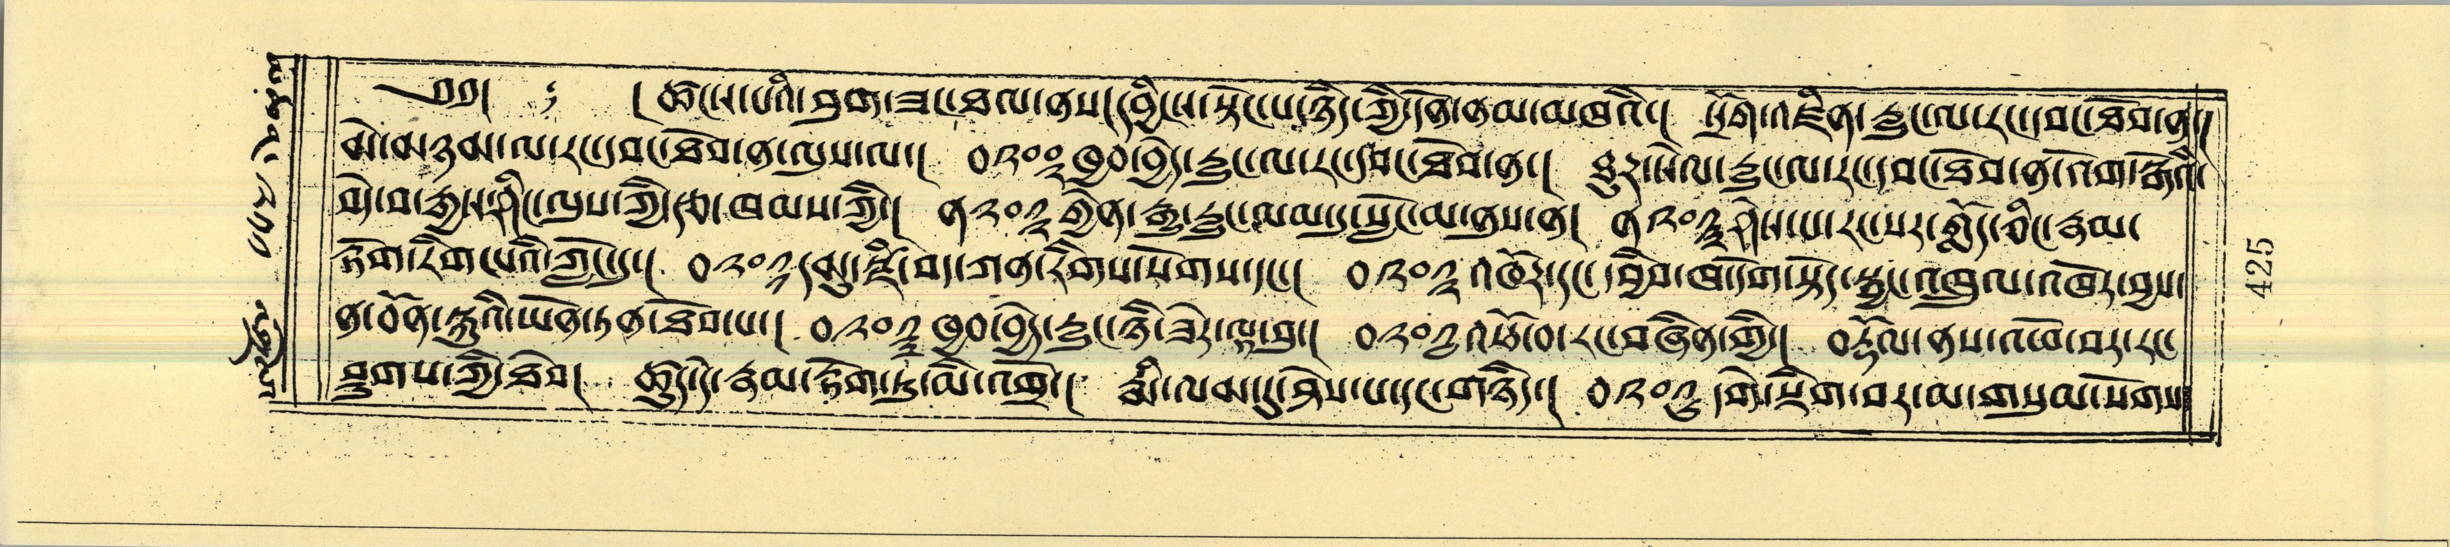ཚངས་པའི་བུག་ཟང་ཐལ་ནས་དབྱིངས་སྟོང་པ་ཉིད་ཀྱི་དོན་ནམ་མཁའི་ སྲོག་འཛིན་རླུང་ལ་རང་དབང་ཐོབ་ན་
མེ་མཉམ་ལ་རང་དབང་ཐོབ་ན་ལུས་ལ་ བ༢༠༠།༢ཁྱབ་བྱེད་རླུང་ལ་རང་དབང་ཐོབ་ན་ ཐུར་སེལ་རླུང་ལ་རང་དབང་ཐོབ་ན་འོག་སྒོའི་
བདེ་བ་རྒྱས་ཤིང་ལུས་ཀྱི་རྩ་ཁམས་ཀྱི། ན་༢༠༡།༢གྱེན་རྒྱུ་རླུང་ལམ་དུ་སློང་མ་ནུས་ན་ ན༢༠༡།༣ཤེས་པ་རང་སར་གློད་ཅིང་རྣམ་
རྟོག་རིག་པའི་ཀློང་དུ་ བ༢༠༡།༡དམུ་རྫི་བད་ཀན་རིགས་སོགས་དང་ བ༢༠༢།༢འཁོར་དང་དབྱིབས་༼ཁ་དོག༽སྟོད་སྦྱང་འཁྲུལ་འཁོར་བྱས་
ན་༼བོན་སྐུའི༽ཡོན་ཏན་ཐོབ་པ་དང་བ༢༠༡།༣༼ཁྱབ་བྱེད༽རླུང་ཉི་ཟེར་ལྟ་བུ་བ༢༠༡།༤༼འཕོ་བ༽རང་བཞིན་གྱི་༼བརྡོལ་ནས༽འཕོ་བར་རང་
ཤུགས་ཀྱིས་ཐེབ་༼ཚུད་དེ༽རྣམ་རྟོག་ཏུ་མི་འགྲོ་༼རྨི་ལམ༽དུ་ཤེས་པ་དང་གཉིད་བ༢༠༢།༦ དགེ་སྡིག་བར་མ་གསུམ་སོགས་